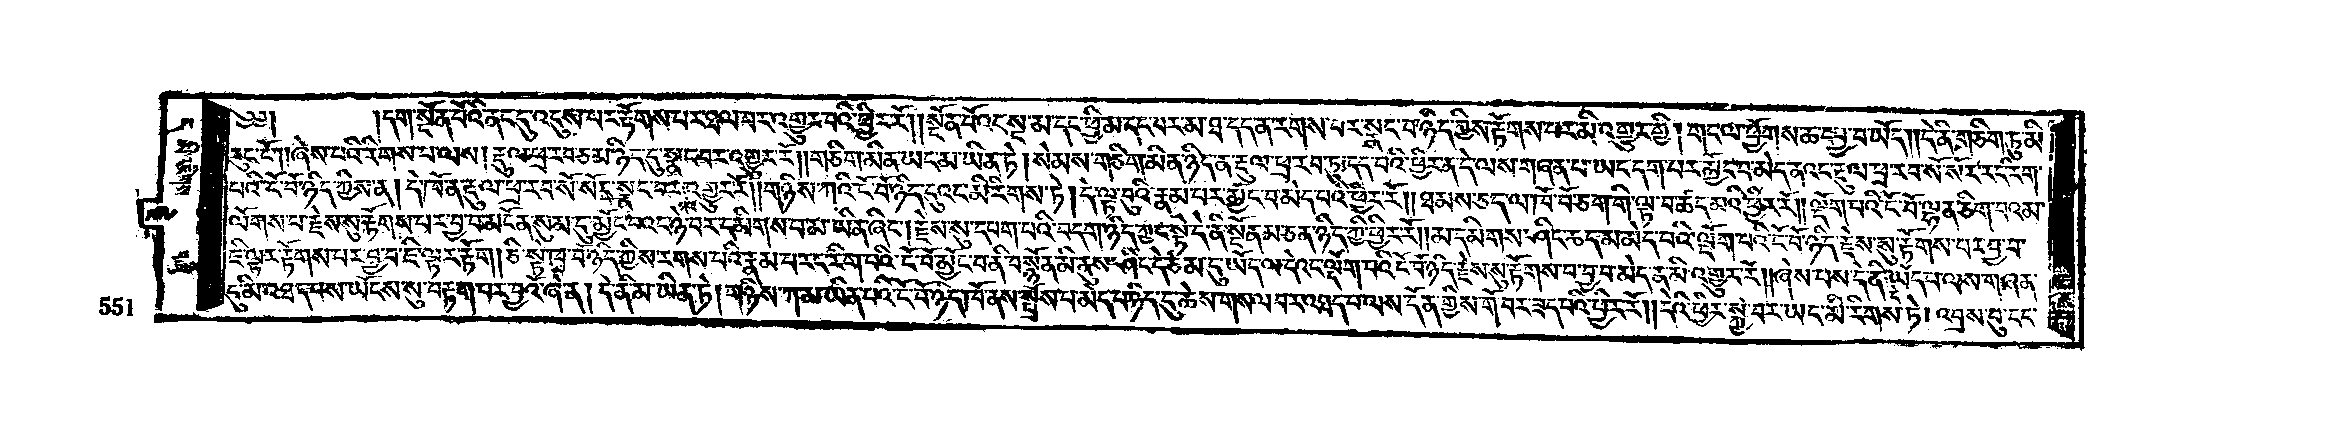༄༅། །དག་སྔོན་པོའི་ནང་དུ་འདུས་པར་རྟོགས་པར་ཐལ་བར་འགྱུར་བའི་ཕྱིར་རོ། །སྔོན་པོའང་སྔ་མ་དང་ཕྱི་མ་དང་བར་མ་ཐ་དད་ན་རགས་པར་སྣང་བ་ཉིད་ཀྱིས་རྟོགས་པར་མི་འགྱུར་གྱི། གང་ལ་ཕྱོགས་ཆ་དབྱེ་བ་ཡོད། །དེ་ནི་གཅིག་ཏུ་མི་
རུང་ངོ། །ཞེས་པའི་རིགས་པ་ལས། རྡུལ་ཕྲ་རབ་ཙམ་ཉིད་དུ་སྣང་བར་འགྱུར་རོ། །གཅིག་མིན་ཡང་མ་ཡིན་ཏེ། སེམས་གཅིག་མིན་ཉིད་ན་རྡུལ་ཕྲ་རབ་ཏུ་དད་པའི་ཕྱིར་ན་དེ་ལས་གཞན་པ་ཡང་དག་པར་མྱོང་བ་མེད་ནའང་རྡུལ་ཕྲ་རབ་སོ་སོར་རང་རིག་
པའི་ངོ་བོ་ཉིད་ཀྱིས་ན། དེ་ཁོ་ན་རྡུལ་ཕྲ་རབ་སོ་སོར་སྣང་བར་ལ་འགྱུར་རོ། །གཉིས་ཀའི་ངོ་བོ་ཉིད་དུའང་མི་རིགས་ཏེ། དེ་ལྟ་བུའི་རྣམ་པར་མྱོང་བ་མེད་པའི་ཕྱིར་རོ། །ཐམས་ཅད་ལ་ཁོ་བོ་ཅག་གི་ལྟ་བ་ཚད་མའི་ཕྱིར་རོ། །ལྡོག་པའི་ངོ་བོ་ལྷན་ཅིག་པའམ་
ལོགས་པ་རྗེས་སུ་རྟོགས་པར་བྱ་བ་མངོན་སུམ་དུ་མྱོང་བའང་ཉེ་བར་དམིགས་པ་མ་ཡིན་ཞིང་། རྗེས་སུ་དཔག་པའི་བདག་ཉིད་ཀྱང་སྟེ་དེ་ནི་སྔོན་མ་ཅན་ཉིད་ཀྱི་ཕྱིར་རོ། །མ་དམིགས་ཤིང་ཆད་མ་མེད་པའི་ལྡོག་པའི་ངོ་བོ་ཉིད་རྗེས་སུ་རྟོགས་པར་བྱ་བ་
ཇི་ལྟར་རྟོགས་པར་བྱ་བ་ཇི་ལྟར་རྟོག །ཅི་སྟེ་ཁྲ་བོ་ཉིད་ཀྱིས་རགས་པའི་རྣམ་པར་རག་རིག་པའི་ངོ་བོ་མྱོང་བ་ནི་བསྙོན་མི་ནུས་ཤིང་དེ་ཙམ་དུ་ཡོད་ལ་དེའང་ལྡོག་པའི་ངོ་བོ་ཉིད་རྗེས་སུ་རྟོགས་པ་བྱ་བ་མེད་ན་མི་འགྱུར་རོ། །ཞེས་པས་དེ་ནི་དེ་ཡོད་པ་ལས་གཞན་
དུ་མི་འཐད་པས་ཡོངས་སུ་བརྟག་པར་བྱའོ་ཞེ་ན། དེ་ནི་མ་ཡིན་ཏེ། གཉིས་ཀ་མ་ཡིན་པའི་ངོ་བོ་ཉིད་ཁོ་ནས་སྤྲོས་པ་མེད་པ་ཉིད་དུ་ཆེས་གསལ་བར་འཐད་པ་ལས་དོན་གྱིས་གོ་བར་ཟད་པའི་ཕྱིར་རོ། །དེའི་ཕྱིར་སྐྱེ་བར་ཡང་མི་རིགས་ཏེ། འབྲས་བུ་དང་